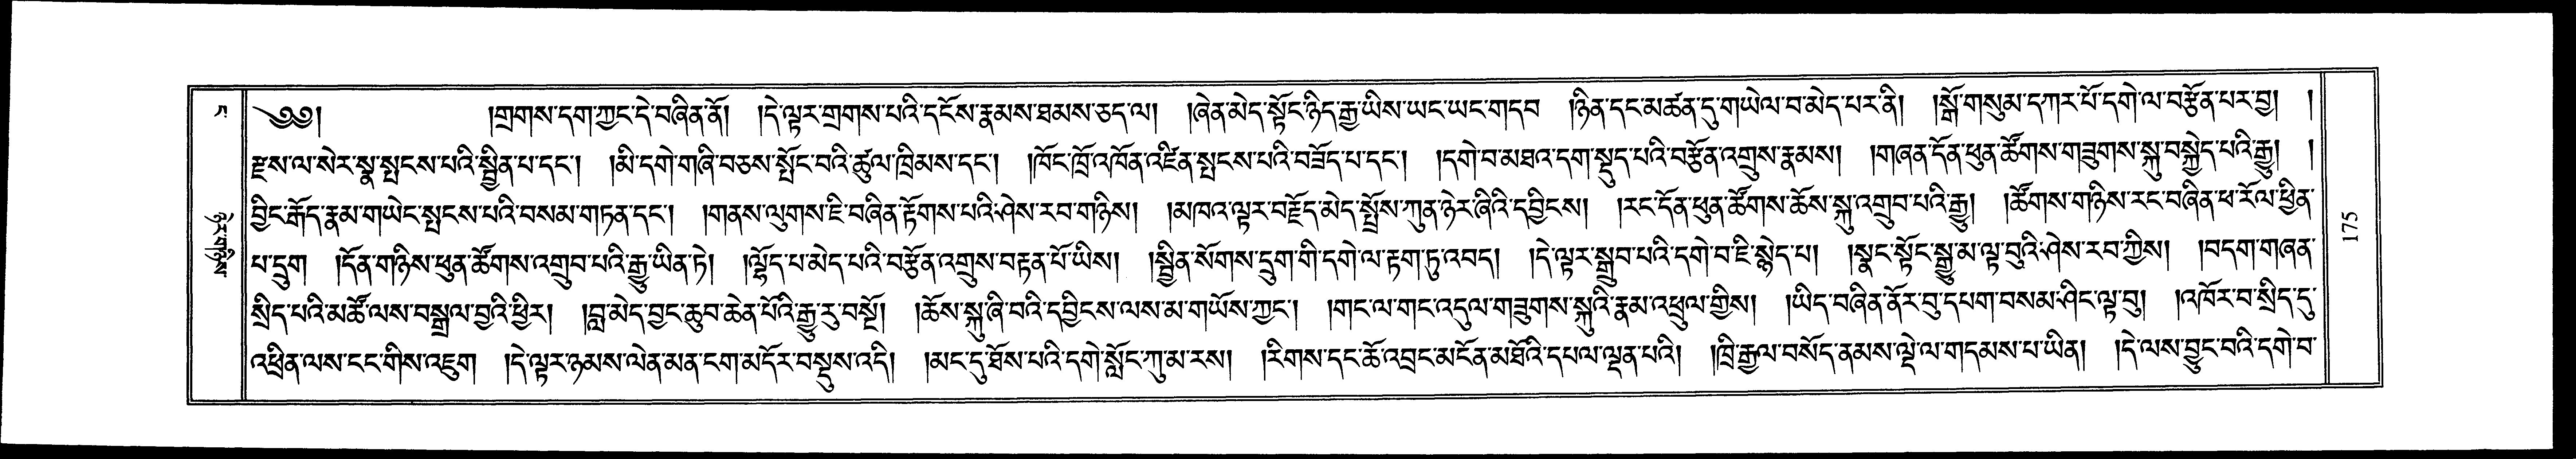༄༅། །གྲགས་དག་ཀྱང་དེ་བཞིན་ནོ། །དེ་ལྟར་གྲགས་པའི་དངོས་རྣམས་ཐམས་ཅད་ལ། །ཞེན་མེད་སྟོང་ཉིད་རྒྱ་ཡིས་ཡང་ཡང་གདབ་།ཉིན་དང་མཚན་དུ་གཡེལ་བ་མེད་པར་ནི། །སྒོ་གསུམ་དཀར་པོ་དགེ་ལ་བརྩོན་པར་བྱ། །
རྫས་ལ་སེར་སྣ་སྤངས་པའི་སྦྱིན་པ་དང་། །མི་དགེ་གཞི་བཅས་སྤོང་བའི་ཚུལ་ཁྲིམས་དང་། །ཁོང་ཁྲོ་འཁོན་འཛིན་སྤངས་པའི་བཟོད་པ་དང་། །དགེ་བ་མཐའ་དག་སྡུད་པའི་བརྩོན་འགྲུས་རྣམས། །གཞན་དོན་ཕུན་ཚོགས་གཟུགས་སྐུ་བསྐྱེད་པའི་རྒྱུ། །
བྱིང་རྒོད་རྣམ་གཡེང་སྤངས་པའི་བསམ་གཏན་དང་། །གནས་ལུགས་ཇི་བཞིན་རྟོགས་པའི་ཤེས་རབ་གཉིས། །མཁའ་ལྟར་བརྗོད་མེད་སྤྲོས་ཀུན་ཉེར་ཞིའི་དབྱིངས། །རང་དོན་ཕུན་ཚོགས་ཆོས་སྐུ་འགྲུབ་པའི་རྒྱུ། །ཚོགས་གཉིས་རང་བཞིན་ཕ་རོལ་ཕྱིན་
པ་དྲུག །དོན་གཉིས་ཕུན་ཚོགས་འགྲུབ་པའི་རྒྱུ་ཡིན་ཏེ། །ལྷོད་པ་མེད་པའི་བརྩོན་འགྲུས་བརྟན་པོ་ཡིས། །སྦྱིན་སོགས་དྲུག་གི་དགེ་ལ་རྟག་ཏུ་འབད། །དེ་ལྟར་སྒྲུབ་པའི་དགེ་བ་ཇི་སྙེད་པ། སྣང་སྟོང་སྒྱུ་མ་ལྟ་བུའི་ཤེས་རབ་ཀྱིས། །བདག་གཞན་
སྲིད་པའི་མཚོ་ལས་བསྒྲལ་བྱའི་ཕྱིར། །བླ་མེད་བྱང་ཆུབ་ཆེན་པོའི་རྒྱུ་རུ་བསྔོ། །ཆོས་སྐུ་ཞི་བའི་དབྱིངས་ལས་མ་གཡོས་ཀྱང་། །གང་ལ་གང་འདུལ་གཟུགས་སྐུའི་རྣམ་འཕྲུལ་གྱིས། །ཡིད་བཞིན་ནོར་བུ་དཔག་བསམ་ཤིང་ལྟ་བུ། །འཁོར་བ་སྲིད་དུ་
འཕྲིན་ལས་ངང་གིས་འཇུག །དེ་ལྟར་ཉམས་ལེན་མན་ངག་མདོར་བསྡུས་འདི། །མང་དུ་ཐོས་པའི་དགེ་སློང་ཀུ་མ་རས། །རིགས་དང་ཆོ་འབྲང་མངོན་མཐོའི་དཔལ་ལྡན་པའི། །ཁྲི་རྒྱལ་བསོད་ནམས་ལྡེ་ལ་གདམས་པ་ཡིན། །དེ་ལས་བྱུང་བའི་དགེ་བ་